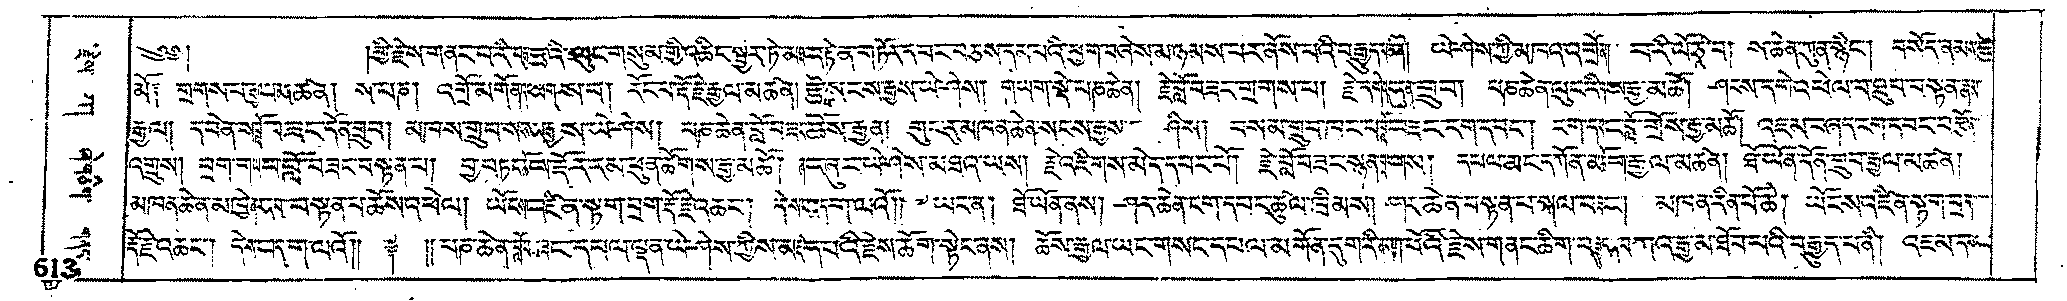༄༅། །གྱི་རྗེས་གནང་བ་རི་བརྒྱ་རྩའི་ལུང་གསུམ་གྱི་འཆིང་སྦྱར་ཏེ་མཐའ་རྟེན་གཏོར་དབང་བཅས་དམ་པའི་ཕྱག་བཞེས་མ་ཉམས་པར་ནོས་པའི་བརྒྱུད་པ་ནི། ཡེ་ཤེས་ཀྱི་མཁའ་འགྲོ་མ། བ་རི་ལོ་ཙྭ་བ། ས་ཆེན་ཀུན་སྙིང་། བསོད་ནམས་རྩེ་
མོ༑ གྲགས་པ་རྒྱལ་མཚན། ས་པཎ། འགྲོ་མགོན་འཕགས་པ། རོང་པ་རྡོ་རྗེ་རྒྱལ་མཚན། རྩེ་སངས་རྒྱས་ཡེ་ཤེས། གཡག་སྡེ་པཎ་ཆེན། རྗེ་བློ་བཟང་གྲགས་པ། རྗེ་དགེ་འདུན་གྲུབ། པཎ་ཆེན་ལུང་རིགས་རྒྱ་མཚོ། ཤངས་དགེ་འཕེལ་པ་ཐུབ་བསྟན་རྣམ་
རྒྱལ། དབེན་ས་བློ་བཟང་དོན་གྲུབ། མཁས་གྲུབ་སངས་རྒྱས་ཡེ་ཤེས། པཎ་ཆེན་བློ་བཟང་ཆོས་རྒྱན། གུང་རུ་མཁན་ཆེན་སངས་རྒྱས་?་ཤིས། བསམ་གྲུབ་ཁང་པ་བློ་བཟང་དག་དབང་། ངག་དབང་བློ་གྲོས་རྒྱ་མཚོ། འཇམ་བཞད་ངག་དབང་བརྩོན་
འགྲུས། བྲག་གཡབ་བློ་བཟང་བསྟན་པ། བྱ་བཏང་ཆོས་རྡོར་རམ་ཕུན་ཚོགས་རྒྱ་མཚོ། ཞང་ཞུང་ཡེ་ཤེས་མཐའ་ཡས། རྗེ་འཇིགས་མེད་དབང་པོ། རྗེ་བློ་བཟང་སྙན་གྲགས། དཔལ་མང་དཀོན་མཆོག་རྒྱལ་མཚན། ཐོ་ཡོན་དོན་གྲུབ་རྒྱལ་མཚན།
མཁན་ཆེན་མཁྱེན་རབ་བསྟན་པ་ཆོས་འཕེལ། ཡོངས་འཛིན་སྟག་བྲག་རྡོ་རྗེ་འཆང་། དེས་བདག་ལའོ།། ༧་ཡང་ན། ཐོ་ཡོན་ནས། ཤར་ཆེན་ངག་དབང་ཚུལ་ཁྲིམས། ཤར་ཆེན་བསྟན་པ་སྐལ་བཟང་། མཁན་རིན་པོ་ཆེ། ཡོངས་འཛིན་སྟག་བྲག་
རྡོ་རྗེ་འཆང་། དེས་བདག་ལའོ།། འ་།།པཎ་ཆེན་བློ་བཟང་དཔལ་ལྡན་ཡེ་ཤེས་ཀྱིས་མཛད་པའི་རྗེས་ཆོག་སྟེང་ནས། ཆོས་རྒྱལ་ཡང་གསང་དཔལ་མགོན་དུག་རི་ནག་པོའི་རྗེས་གནང་ཆིག་བརྒྱུད་བཀའ་རྒྱ་མ་ཐོབ་པའི་བརྒྱུད་པ་ནི། འཇམ་དཔལ་